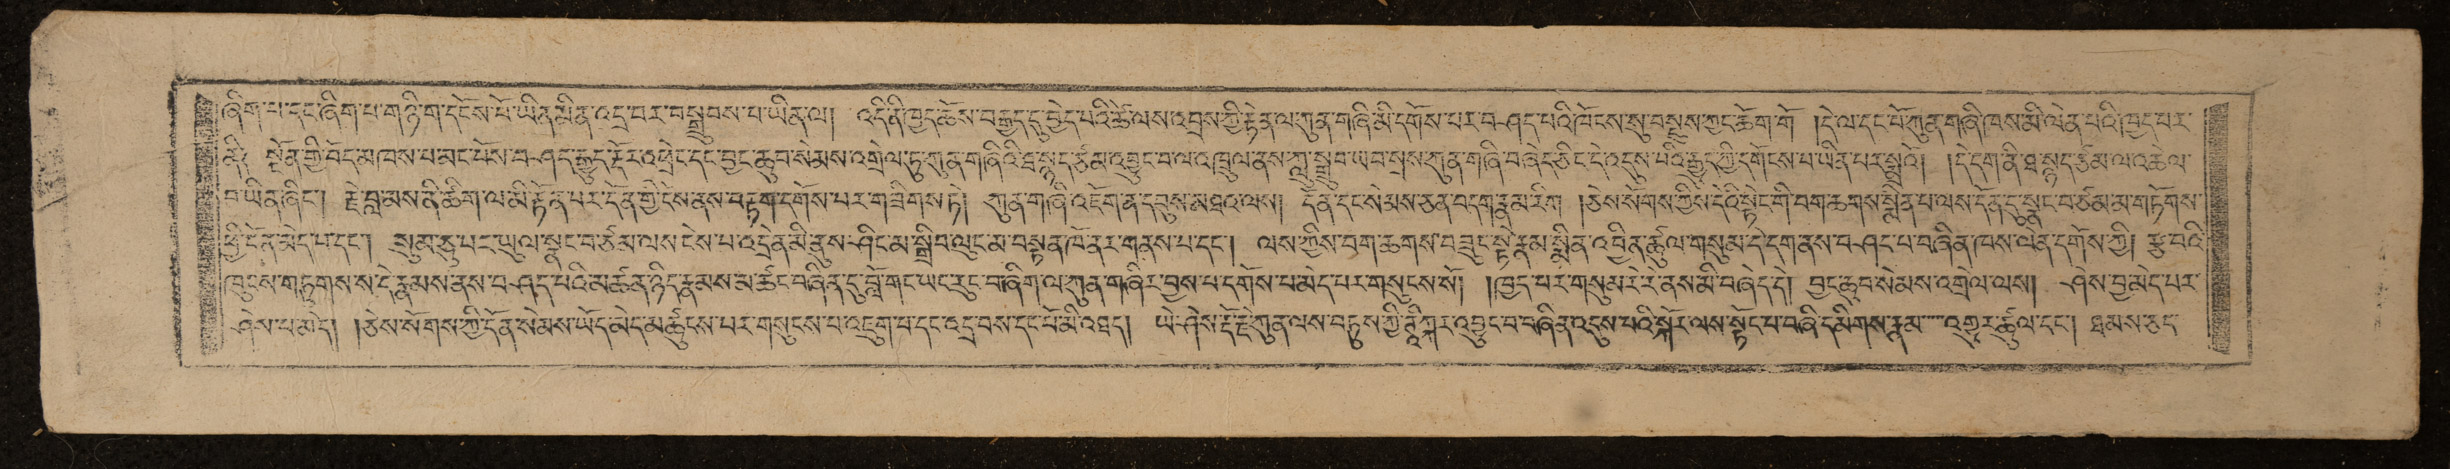ཞིག་པ་དང་ཞིག་བ་གཉིག་དངོས་པོ་ཡིན་མིན་འདྲ་བར་བསྒྲུབས་པ་ཡིན་ལ། འདི་ནི་ཁྱད་ཆོས་བརྒྱུད་དུ་བྱེད་པའི་ཚེ་ལས་འབྲས་ཀྱི་རྟེན་ལ་ཀུན་གཞི་མི་དགོས་པར་བཤད་པའི་ཁོངས་སུ་བསྡུས་ཀྱང་ཆོག་གོ །དེ་ལ་དང་པོ་ཀུན་གཞི་ཁས་མི་ལེན་པའི་ཁྱད་པར་
ནི༑ སྔོན་གྱི་བོད་མཁས་བ་མང་པོས་བཤད་རྒྱུན་རྡོར་འཕྲེང་དང་བྱང་ཆུབ་སེམས་འགྲེལ་ཏུ་ཀུན་གཞིའི་ཐ་སྙད་ཙམ་འབྱུང་བ་ལ་འཁྲུལ་ནས་ཀླུ་སྒྲུབ་ཡབ་སྲས་ཀུན་གཞི་བཞེད་ཅིང་དེ་འདུས་པའི་རྒྱུད་ཀྱི་དགོངས་པ་ཡིན་པར་སྨྲའོ། །དེ་དག་ནི་ཐ་སྙད་ཙམ་ལ་འཆེལ་
བ་ཡིན་ཞིང་། རྗེ་བླ་མས་ནི་ཚིག་ལ་མི་རྟོན་པར་དོན་གྱི་ངོས་ནས་བརྟག་དགོས་པར་གཟིགས་ཏེ། ཀུན་གཞི་འཇོག་ན་དབུས་མཐའ་ལས། དོན་དང་སེམས་ཅན་བདག་རྣམ་རིག །ཅེས་སོགས་ཀྱིས་དེའི་སྟེང་གི་བག་ཆགས་སྨིན་བ་ལས་དོན་དུ་སྣང་བ་ཙམ་མ་གཏོགས་
ཕྱི་དོན་མེད་པ་དང་། སུམ་ཅུ་བར་ཡུལ་སྣང་བ་ཙམ་ལས་ངེས་པ་འདྲེན་མི་ནུས་ཤིང་མ་སྒྲིབ་ལུང་མ་བསྟན་ཁོ་ནར་གནས་བ་དང་། ལས་ཀྱིས་བག་ཆགས་བཟུང་སྟེ་རྣམ་སྨིན་འབྱིན་ཚུལ་གསུམ་དེ་དག་ནས་བཤད་པ་བཞིན་ཁས་ལེན་དགོས་ཀྱི། རྩ་བའི་
ཁུངས་གཏུགས་ས་དེ་རྣམས་ནས་བཤད་པའི་མཚན་ཉིད་རྣམས་མཚང་བཞིན་དུ་བློ་གང་ཡང་རུང་བ་ཞིག་ལ་ཀུན་གཞིར་བྱས་པ་དགོས་པ་མེད་པར་གསུངས་སོ། །ཁྱད་པར་གསུམ་རེ་རེ་ནས་མི་བཞེད་དེ། བྱང་ཆུབ་སེམས་འགྲེལ་ལས། ཤེས་བྱ་མེད་པར་
ཤེས་པ་མེད། །ཅེས་སོགས་ཀྱི་དོན་སེམས་ཡོད་མེད་མཚུངས་པར་གསུངས་བ་འཇུག་པ་དང་འདྲ་བས་དང་པོ་མི་འཐད། ཡེ་ཤེས་རྡོ་རྗེ་ཀུན་ལས་བཏུས་ཀྱི་ཊཱིཀྐར་འབྱུང་བ་བཞིན་འདུས་པའི་སྐོར་ལས་སྟོང་པ་བཞི་དམིགས་རྣམ་འགྱུར་ཚུལ་དང་། ཐམས་ཅད་